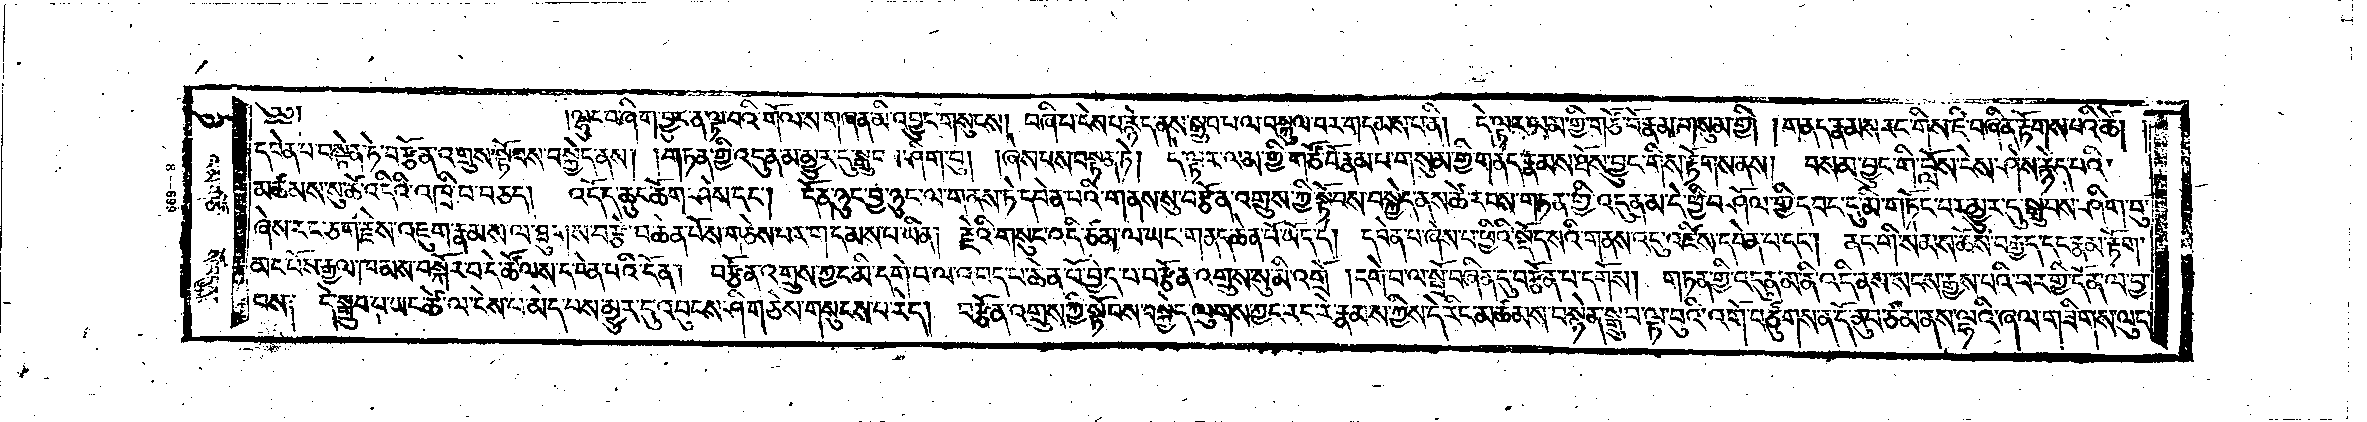༄༅། །ལྷུང་བ་ཞིག་བྱུང་ན་ལྟ་བའི་གོལ་ས་གཞན་མི་འབྱུང་གསུངས། བཞི་པ་ངེས་པ་རྙེད་ནས་སྒྲུབ་པ་ལ་བསྐུལ་བར་གདམས་པ་ནི། དེ་ལྟར་ལམ་གྱི་གཙོ་བོ་རྣམ་གསུམ་གྱི། །གནད་རྣམས་རང་གིས་ཇི་བཞིན་རྟོགས་པའི་ཚེ། །
དབེན་པ་བསྟེན་ཏེ་བརྩོན་འགྲུས་སྟོབས་བསྐྱེད་ནས། །གཏན་གྱི་འདུན་མ་མྱུར་དུ་སྒྲུབས་ཤིག་བུ། །ཞེས་པས་བསྟན་ཏེ། དེ་ལྟར་ལམ་གྱི་གཙོ་བོ་རྣམ་པ་གསུམ་གྱི་གནད་རྣམས་ཐོས་བྱུང་གིས་རྟོགས་ནས། བསམ་བྱུང་གི་བློས་ངེས་ཤེས་རྙེད་པའི་
མཚམས་སུ་ཚེ་འདིའི་འཁྲི་བ་བཅད། འདོད་ཆུང་ཆོག་ཤེས་དང་། དོན་ཉུང་བྱ་ཉུང་ལ་གནས་ཏེ་དབེན་པའི་གནས་སུ་བརྩོན་འགྲུས་ཀྱི་སྟོབས་བསྐྱེད་ནས་ཚེ་རབས་གཏན་གྱི་འདུན་མ་དེ་ཕྱི་བཤོལ་གྱི་དབང་དུ་མི་གཏོང་བར་མྱུར་དུ་སྒྲུབས་ཤིག་བུ་
ཞེས་རང་ཅག་རྗེས་འཇུག་རྣམས་ལ་ཐུགས་བརྩེ་བ་ཆེན་པོས་གཅེས་པར་གདམས་པ་ཡིན། རྗེའི་གསུང་འདི་ཙམ་ལ་ཡང་གནད་ཆེན་པོ་ཡོད་དེ། དབེན་པ་ཞེས་པ་ཕྱིའི་སྡོད་སའི་གནས་འདུ་འཛིས་དབེན་པ་དང་། ནང་གི་སེམས་ཆོས་བརྒྱད་དང་རྣམ་རྟོག་
མང་པོས་རྒྱལ་ཁམས་བསྐོར་བ་དེ་ཚོ་ལས་དབེན་པའི་དོན། བརྩོན་འགྲུས་ཀྱང་མི་དགེ་བ་ལ་འབད་པ་ཆེན་པོ་བྱེད་པ་བརྩོན་འགྲུས་སུ་མི་འགྲོ་།དགེ་བ་ལ་སྤྲོ་བཞིན་དུ་བརྩོན་པ་དགོས། གཏན་གྱི་འདུན་མ་ནི་འདི་ནས་སངས་རྒྱས་པའི་བར་གྱི་དོན་ལ་བྱ་
བས༑ དེ་སྒྲུབ་པ་ཡང་ཚེ་ལ་ངེས་པ་མེད་པས་མྱུར་དུ་འབུངས་ཤིག་ཅེས་གསུངས་པ་རེད། བརྩོན་འགྲུས་ཀྱི་སྟོབས་བསྐྱེད་ལུགས་ཀྱང་རང་རེ་རྣམས་ཀྱིས་དེ་རིང་མཚམས་བསྙེན་སྒྲུབ་ལྟ་བུའི་འགོ་བཙུགས་ན་དོ་ནུབ་ཙམ་ནས་ལྷའི་ཞལ་གཟིགས་ལུང་